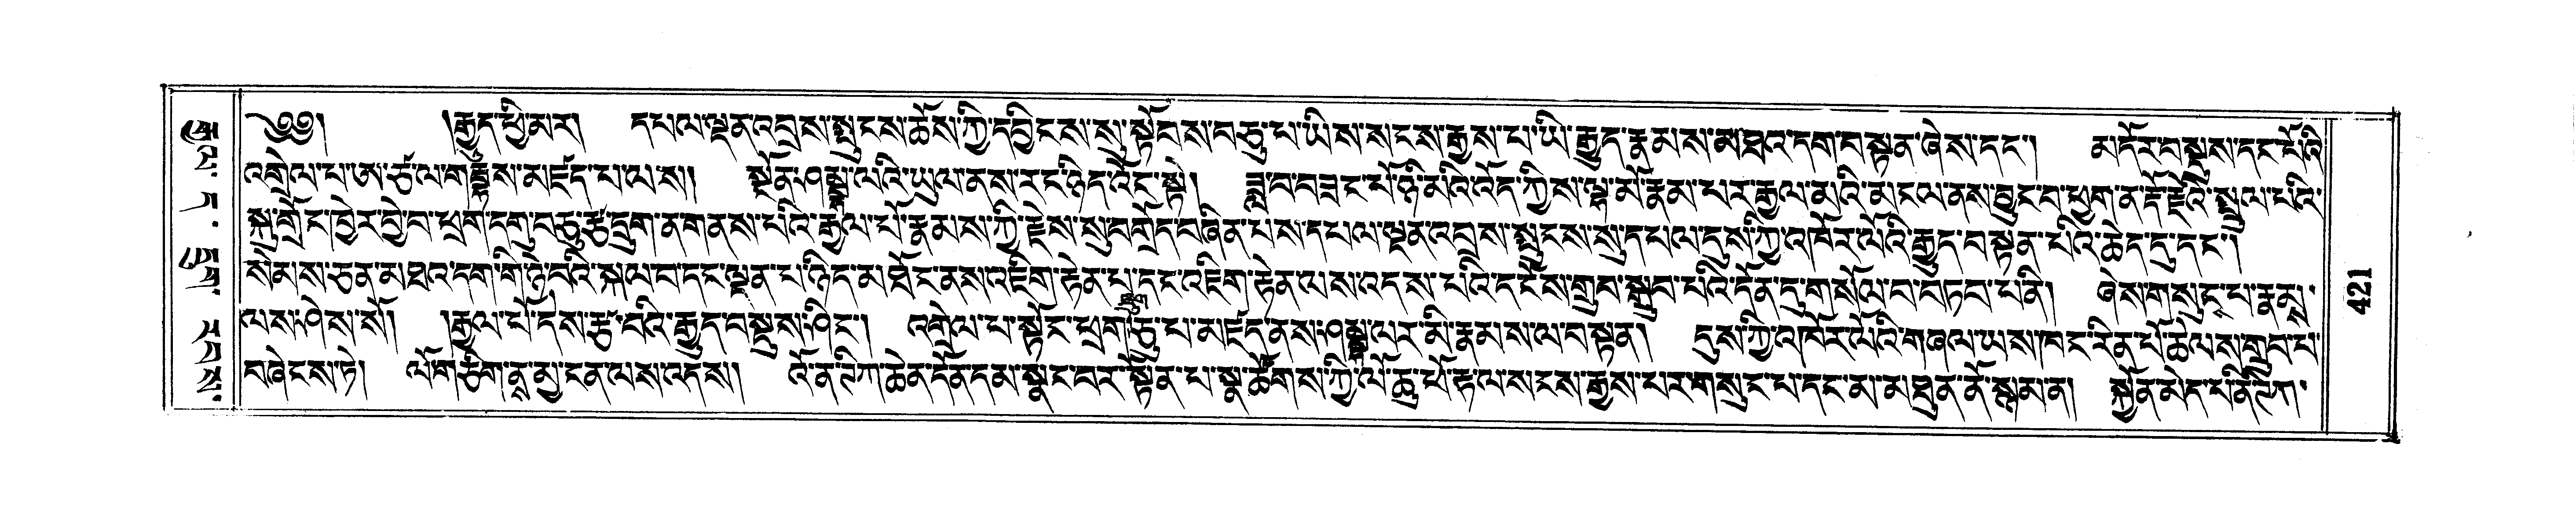༄༅། །རྒྱུད་ཕྱི་མར། དཔལ་ལྡན་འབྲས་སྤུངས་ཆོས་ཀྱི་དབྱིངས་སུ་སྟོབས་བཅུ་པ་ཡིས་སངས་རྒྱས་པ་ཡི་རྒྱུད་རྣམས་མཐའ་དག་བསྟན་ཞེས་དང་། མདོར་བསྡུས་དང་པོའི་
འགྲེལ་པ་ཨ་ཙ་ལ་གརྦྷས་མཛད་པ་ལས། སྔོན་ཤམྦྷ་ལའི་ཡུལ་ནས་རང་ཉིད་འོང་སྟེ། ཟླ་བ་བཟང་པོ་ཉི་མའི་འོད་ཀྱིས་ལྷ་མོ་རྣམ་པར་རྒྱལ་མའི་མངལ་ནས་བྱུང་བ་ཕྱག་ན་རྡོ་རྗེའི་སྤྲུལ་པའི་
སྐུ་གྲོང་ཁྱེར་བྱེ་བ་ཕྲག་དགུ་བཅུ་རྩ་དྲུག་ན་གནས་པའི་རྒྱལ་པོ་རྣམས་ཀྱི་རྗེས་སུ་བགྲོད་བཞིན་པས་དཔལ་ལྡན་འབྲས་སྤུངས་སུ་དཔལ་དུས་ཀྱི་འཁོར་ལོའི་རྒྱུད་བསྟན་པའི་ཆེད་དུ་དང་།
སེམས་ཅན་མཐའ་དག་གི་ཉེ་བའི་སྐལ་བ་དང་ལྡན་པ་ཉིད་མཐོང་ནས་འཇིག་རྟེན་པ་ཐུག་དང་འཇིག་རྟེན་ལས་འདས་པའི་དངོས་གྲུབ་སྒྲུབ་པའི་དོན་དུ་གསོལ་བ་བཏབ་པ་ནི། ཞེས་གསུངས་པ་རྣམས་
ལས་ཤེས་སོ། །རྒྱལ་པོ་དེས་རྩ་བའི་རྒྱུད་བསྡུས་ཤིང་། འགྲེལ་པ་སྟོང་ཕྲག་ཐུག་ཅུ་པ་མཛད་ནས་ཤམྦྷ་ལར་མི་རྣམས་ལ་བསྟན། དུས་ཀྱི་འཁོར་ལོའི་གཞལ་ཡས་ཁང་རིན་པོ་ཆེ་ལས་གྲུབ་པ་
བཞེངས་ཏེ། ལོ་གཅིག་ནས་མྱ་ངན་ལས་འདས། འོ་ན་ཊིཀ་ཆེན་དོན་དམ་སྣང་བར་སྟོན་པ་སྣ་ཚོགས་ཀྱི་ལོ་ཆུ་ཕོ་རྟ་ལ་སངས་རྒྱས་པར་གསུང་པ་དང་མ་མཐུན་ནོ་སྙམ་ན། སྐྱོན་མེད་པ་ནི་ཊིཀ་